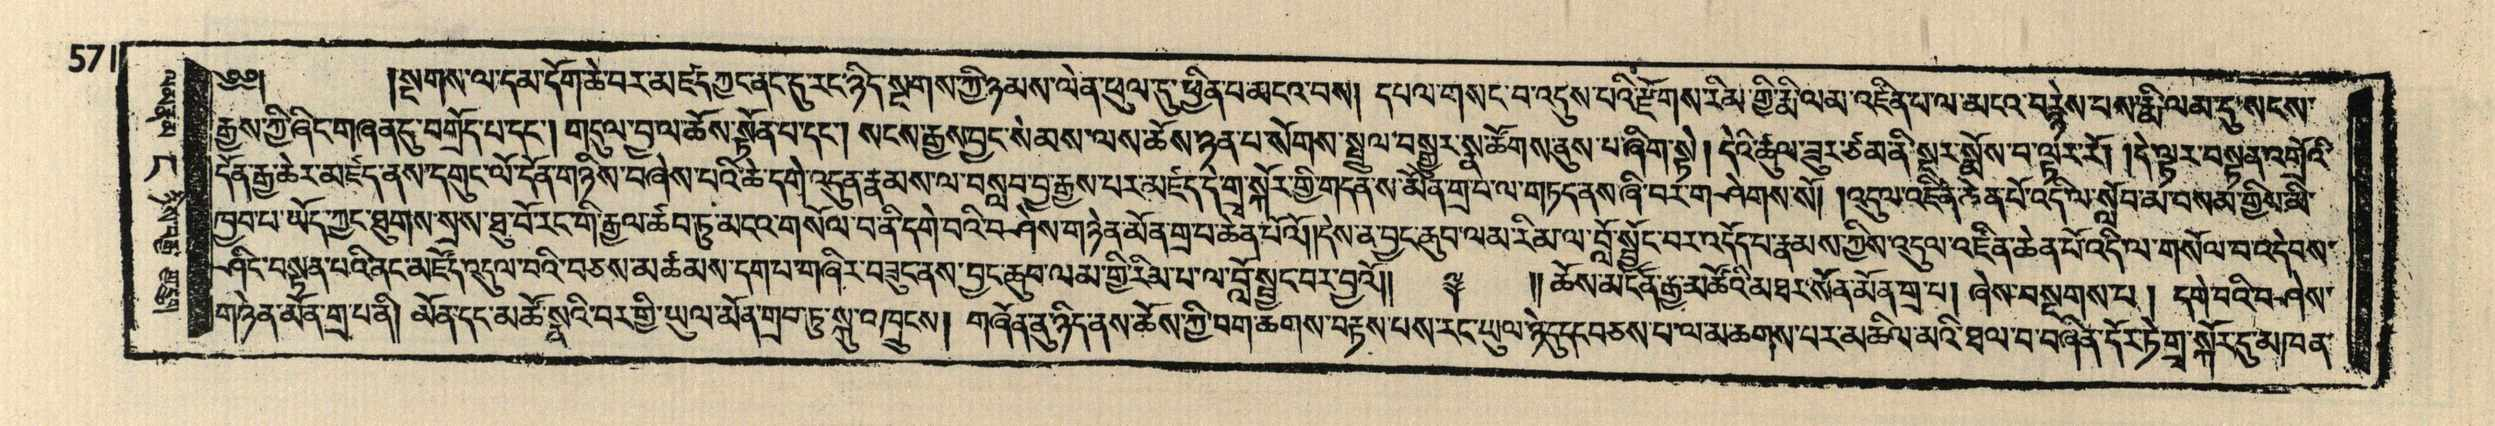༄༅། །སྔགས་ལ་དམ་དོག་ཆེ་བར་མཛད་ཀྱང་ནང་དུ་རང་ཉིད་སྔགས་ཀྱི་ཉམས་ལེན་ཕུལ་དུ་ཕྱིན་པ་མངའ་བས། དཔལ་གསང་བ་འདུས་པའི་རྫོགས་རིམ་གྱི་རྨི་ལམ་འཛིན་པ་ལ་མངའ་བརྙེས་པས་རྨི་ལམ་དུ་སངས་
རྒྱས་ཀྱི་ཞིང་གཞན་དུ་བགྲོད་པ་དང་། གདུལ་བྱ་ལ་ཆོས་སྟོན་པ་དང་། སངས་རྒྱས་བྱང་སེམས་ལས་ཆོས་ཉན་པ་སོགས་སྤྲུལ་བསྒྱུར་སྣ་ཚོགས་ནུས་པ་ཞིག་སྟེ། དེའི་ཚུལ་ཟུར་ཙམ་ནི་སྔར་སྨོས་བ་ལྟར་རོ། །དེ་ལྟར་བསྟན་འགྲོའི་
དོན་རྒྱ་ཆེར་མཛད་ནས་དགུང་ལོ་དོན་གཉིས་བཞེས་པའི་ཆེ་དགེ་འདུན་རྣམས་ལ་བསླབ་བྱ་རྒྱས་པར་མཛད་དེ་གྲྭ་སྐོར་གྱི་གདན་ས་མོན་གྲབ་ལ་གཏད་ནས་ཞི་བར་གཤེགས་སོ། །འདུལ་འཛིན་ཆེན་པོ་འདི་ལ་སློབ་མ་བསམ་གྱིས་མི་
ཁྱབ་པ་ཡོད་ཀྱང་ཐུགས་སྲན་ཐུ་བོ་རང་གི་རྒྱལ་ཚབ་ཏུ་མངའ་གསོལ་བ་ནི་དགེ་བའི་བཤེས་གཉེན་མོན་གྲ་པ་ཆེན་པོའོ། །དེས་ན་བྱང་ཆུབ་ལམ་རིམ་ལ་བློ་སྦྱོང་བར་འདོད་པ་རྣམས་ཀྱིས་འདུལ་འཛིན་ཆེན་པོ་འདི་ལ་གསོལ་བ་འདེབས་
ཤིང་བསྟན་པའི་ནང་མཛོད་འདུལ་བའི་བཅས་མཚམས་དག་པ་གཞིར་བཟུང་ནས་བྱང་ཆུབ་ལམ་གྱི་རིམ་པ་ལ་བློ་སྦྱང་བར་བྱའོ།། ༈ །།ཆོས་མངོན་རྒྱ་མཚོའི་མཐར་སོན་མོན་གྲ་པ། ཞེས་བསྔགས་པ། དགེ་བའི་བཤེས་
གཉེན་མོན་གྲ་པ་ནི། མོན་དང་མཚོ་སྣའི་བར་གྱི་ཡུལ་མོན་གྲབ་ཏུ་སྐུ་འཁྲུངས། གཞོན་ནུ་ཉིད་ནས་ཆོས་ཀྱི་བག་ཆགས་བརྟས་པས་རང་ཡུལ་ཉེ་དུ་དང་བཅས་པ་ལ་མ་ཆགས་པར་མཆིལ་མའི་ཐལ་བ་བཞིན་དོར་ཏེ་གྲྭ་སྐོར་དུ་མཁན་